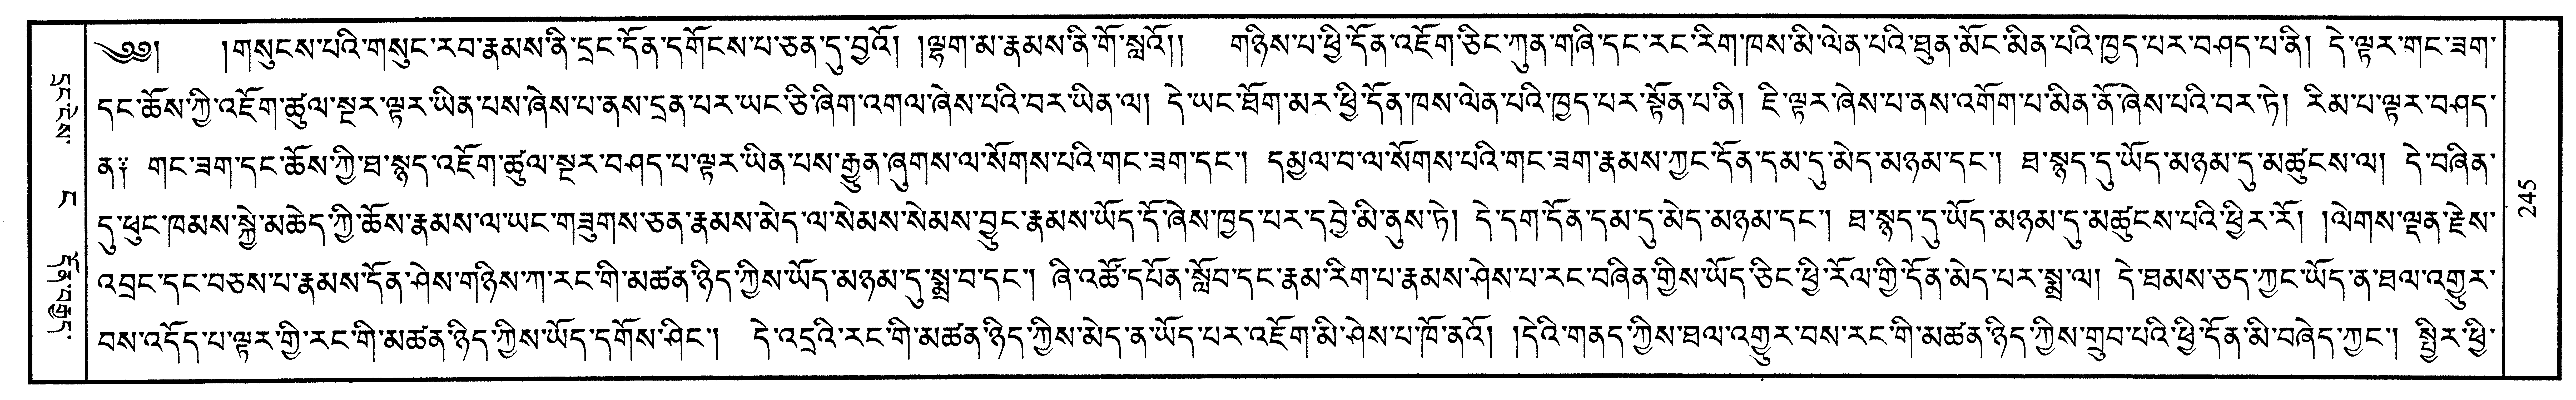༄༅། །གསུངས་པའི་གསུང་རབ་རྣམས་ནི་དྲང་དོན་དགོངས་པ་ཅན་དུ་བྱའོ། །ལྷག་མ་རྣམས་ནི་གོ་སླའོ།། གཉིས་པ་ཕྱི་དོན་འཇོག་ཅིང་ཀུན་གཞི་དང་རང་རིག་ཁས་མི་ལེན་པའི་ཐུན་མོང་མིན་པའི་ཁྱད་པར་བཤད་པ་ནི། དེ་ལྟར་གང་ཟག་
དང་ཆོས་ཀྱི་འཇོག་ཚུལ་སྔར་ལྟར་ཡིན་པས་ཞེས་པ་ནས་དྲན་པར་ཡང་ཅི་ཞིག་འགལ་ཞེས་པའི་བར་ཡིན་ལ། དེ་ཡང་ཐོག་མར་ཕྱི་དོན་ཁས་ལེན་པའི་ཁྱད་པར་སྟོན་པ་ནི། ཇི་ལྟར་ཞེས་པ་ནས་འགོག་པ་མིན་ནོ་ཞེས་པའི་བར་ཏེ། རིམ་པ་ལྟར་བཤད་
ན༑ གང་ཟག་དང་ཆོས་ཀྱི་ཐ་སྙད་འཇོག་ཚུལ་སྔར་བཤད་པ་ལྟར་ཡིན་པས་རྒྱུན་ཞུགས་ལ་སོགས་པའི་གང་ཟག་དང་། དམྱལ་བ་ལ་སོགས་པའི་གང་ཟག་རྣམས་ཀྱང་དོན་དམ་དུ་མེད་མཉམ་དང་། ཐ་སྙད་དུ་ཡོད་མཉམ་དུ་མཚུངས་ལ། དེ་བཞིན་
དུ་ཕུང་ཁམས་སྐྱེ་མཆེད་ཀྱི་ཆོས་རྣམས་ལ་ཡང་གཟུགས་ཅན་རྣམས་མེད་ལ་སེམས་སེམས་བྱུང་རྣམས་ཡོད་དོ་ཞེས་ཁྱད་པར་དབྱེ་མི་ནུས་ཏེ། དེ་དག་དོན་དམ་དུ་མེད་མཉམ་དང་། ཐ་སྙད་དུ་ཡོད་མཉམ་དུ་མཚུངས་པའི་ཕྱིར་རོ། །ལེགས་ལྡན་རྗེས་
འབྲང་དང་བཅས་པ་རྣམས་དོན་ཤེས་གཉིས་ཀ་རང་གི་མཚན་ཉིད་ཀྱིས་ཡོད་མཉམ་དུ་སྨྲ་བ་དང་། ཞི་འཚོ་དཔོན་སློབ་དང་རྣམ་རིག་པ་རྣམས་ཤེས་པ་རང་བཞིན་གྱིས་ཡོད་ཅིང་ཕྱི་རོལ་གྱི་དོན་མེད་པར་སྨྲ་ལ། དེ་ཐམས་ཅད་ཀྱང་ཡོད་ན་ཐལ་འགྱུར་
བས་འདོད་པ་ལྟར་གྱི་རང་གི་མཚན་ཉིད་ཀྱིས་ཡོད་དགོས་ཤིང་། དེ་འདྲའི་རང་གི་མཚན་ཉིད་ཀྱིས་མེད་ན་ཡོད་པར་འཇོག་མི་ཤེས་པ་ཁོ་ནའོ། །དེའི་གནད་ཀྱིས་ཐལ་འགྱུར་བས་རང་གི་མཚན་ཉིད་ཀྱིས་གྲུབ་པའི་ཕྱི་དོན་མི་བཞེད་ཀྱང་། སྤྱིར་ཕྱི་